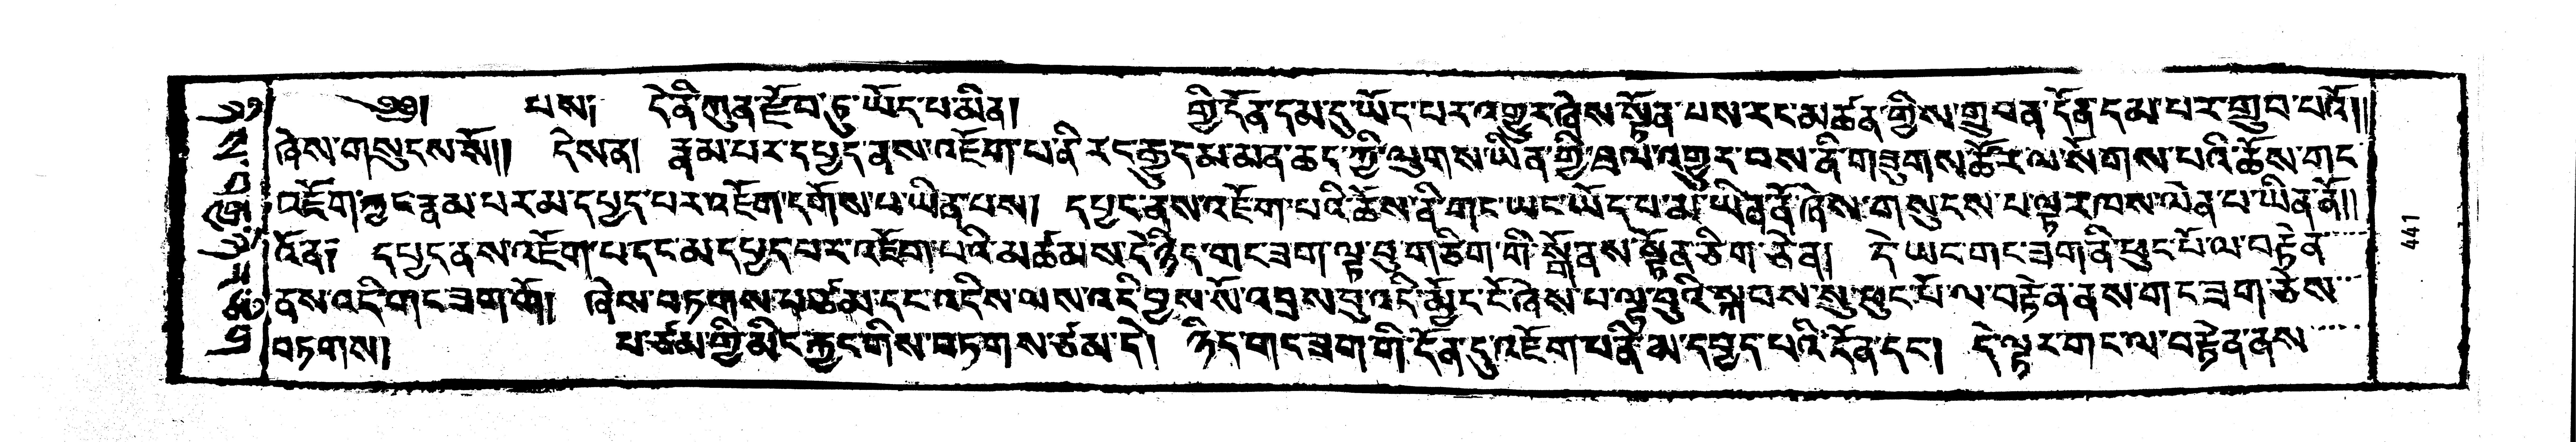༄༅། །པས། དེ་ནི་ཀུན་རྫོབ་ཏུ་ཡོད་པ་མིན། གྱི་དོན་དམ་དུ་ཡོད་པར་འགྱུར་ཞེས་སྟོན་པས་རང་མཚན་གྱིས་གྲུབ་ན་དོན་དམ་པར་གྲུབ་པའོ། །
ཞེས་གསུངས་སོ།། དེས་ན། རྣམ་པར་དཔྱད་ནས་འཇོག་པ་ནི་རང་རྒྱུད་མ་མན་ཆད་ཀྱི་ལུགས་ཡིན་གྱི་ཐལ་འགྱུར་བས་ནི་གཟུགས་ཚོར་ལ་སོགས་པའི་ཆོས་གང་
འཇོག་ཀྱང་རྣམ་པར་མ་དཔྱད་པར་འཇོག་དགོས་པ་ཡིན་པས། དཔྱད་ནས་འཇོག་པའི་ཆོས་ནི་གང་ཡང་ཡོད་པ་མ་ཡིན་ནོ་ཞེས་གསུངས་པ་ལྟར་ཁས་ལེན་པ་ཡིན་ནོ།།
འོ་ན༑ དཔྱད་ནས་འཇོག་པ་དང་མ་དཔྱད་པར་འཇོག་པའི་མཚམས་དེ་ཉིད་གང་ཟག་ལྟ་བུ་གཅིག་གི་སྒོ་ནས་སྟོན་ཅིག་ཅེ་ན། དེ་ཡང་གང་ཟག་ནི་ཕུང་པོ་ལ་བརྟེན་
ནས་འདི་གང་ཟག་གོ། ཞེས་བཏགས་པ་ཙམ་དང་འདིས་ལས་འདི་བྱས་སོ་འབྲས་བུ་འདི་མྱོང་ངོ་ཞེས་པ་ལྟ་བུའི་སྐབས་སུ་ཕུང་པོ་ལ་བརྟེན་ནས་གང་ཟག་ཅེས་
བཏགས། པ་ཙམ་གྱི་མིང་རྐྱང་གིས་བཏགས་ཙམ་དེ། ཉིད་གང་ཟག་གི་དོན་དུ་འཇོག་པ་ནི་མ་དཔྱད་པའི་དོན་དང་། དེ་ལྟར་གང་ལ་བརྟེན་ནས་